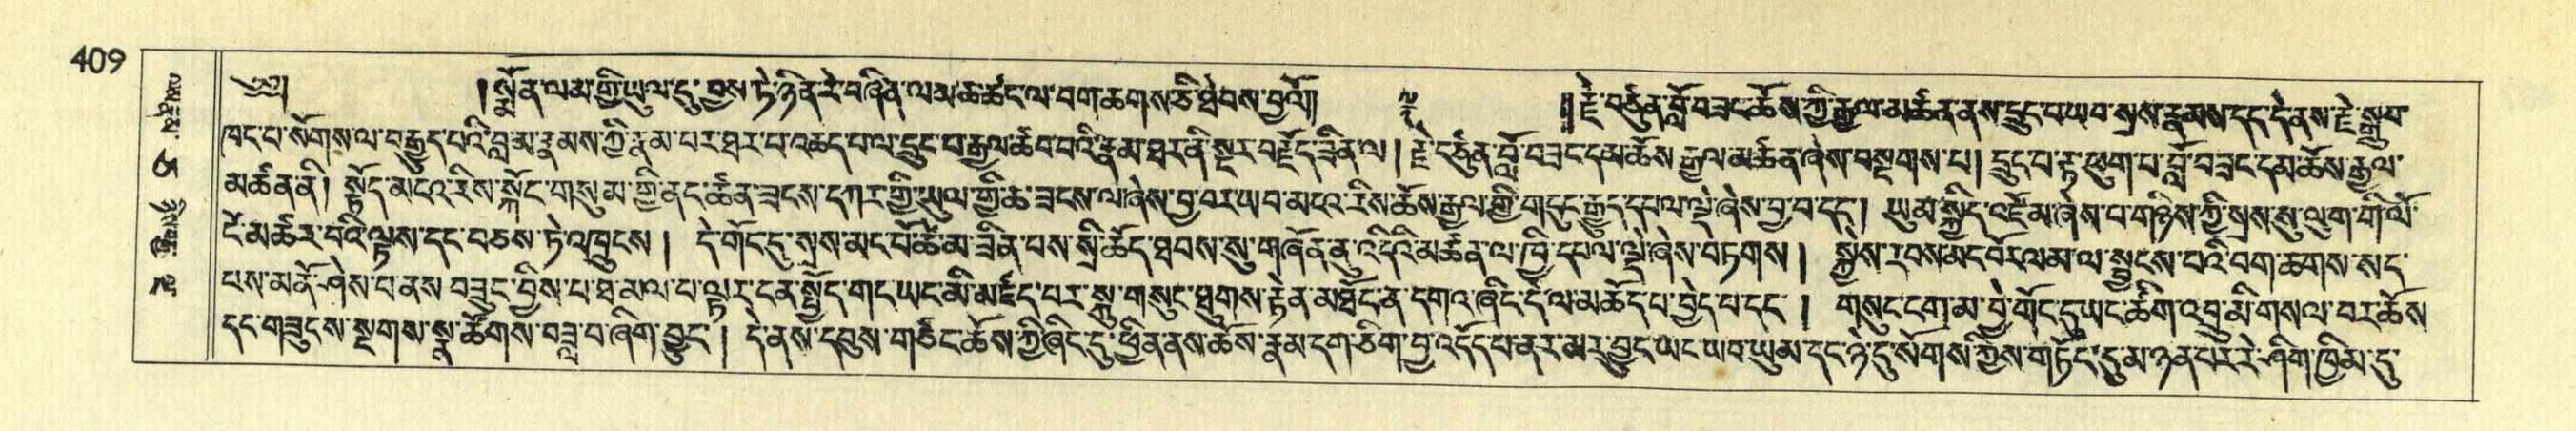༄༅། །སྨོན་ལམ་གྱི་ཡུལ་དུ་བྱས་ཏེ་ཉིན་རེ་བཞིན་ལམ་ཆ་ཚང་ལ་བག་ཆགས་ཅི་ཐེབས་བྱའོ།། ༈ །།རྗེ་བཙུན་བློ་བཟང་ཆོས་ཀྱི་རྒྱལ་མཚན་ནས་དྲུང་བ་ཡབ་སྲས་རྣམས་དང་དེ་ནས་རྗེ་སྒྲུབ་
ཁང་པ་སོགས་ལ་བརྒྱུད་པའི་བླ་མ་རྣམས་ཀྱི་རྣམ་པར་ཐར་པ་འཆད་པ་ལ་དྲུང་བ་རྒྱལ་ཚབ་བའི་རྣམ་ཐར་ནི་སྔར་བརྗོད་ཟིན་ལ། རྗེ་བཙུན་བློ་བཟང་དམ་ཆོས་རྒྱལ་མཚན་ཞེས་བསྔགས་པ། དྲུང་པ་རྟ་ཕུག་པ་བློ་བཟང་དམ་ཆོས་རྒྱལ་
མཚན་ནི། སྟོད་མངའ་རིས་སྐོང་གསུམ་གྱི་ནང་ཚན་ཟངས་དཀར་གྱི་ཡུལ་གྱི་ཆ་ཟངས་ལ་ཞེས་བྱ་བར་ཡབ་མངའ་རིས་ཆོས་རྒྱལ་གྱི་གདུང་རྒྱུད་དཔལ་ལྡེ་ཞེས་བྱ་བ་དང་། ཡུམ་སྐྱིད་འཛོམ་ཞེས་པ་གཉིས་ཀྱི་སྲས་སུ་ལུག་གི་ལོ་
ངོ་མཚར་བའི་ལྟས་དང་བཅས་ཏེ་འཁྲུངས། དེ་གོང་དུ་སྲས་མང་པོ་ཚེ་མ་ཟིན་པས་སྲི་ཆོད་ཐབས་སུ་གཞོན་ནུ་འདིའི་མཚན་ལ་ཁྱི་དཔལ་ལྡེ་ཞེས་བཏགས། སྐྱེས་རབས་མང་བོར་ལམ་ལ་སྦྱངས་པའི་བག་ཆགས་སད་
པས་མནོ་ཤེས་པ་ནས་བཟུང་བྱིས་པ་ཐ་མལ་པ་ལྟར་ངན་སྤྱོད་གང་ཡང་མི་མཛད་པར་སྐུ་གསུང་ཐུགས་རྟེན་མཐོང་ན་དགའ་ཞིང་དེ་ལ་མཆོད་པ་བྱེད་པ་དང་། གསུང་ངག་མ་བྱེ་གོང་དུ་ཡང་ཚིག་འབྲུ་མི་གསལ་བར་ཆོས་
དང་གཟུངས་སྔགས་སྣ་ཚོགས་བཟླ་བ་ཞིག་བྱུང་། དེ་ནས་དབུས་གཙང་ཆོས་ཀྱི་ཞིང་དུ་ཕྱིན་ནས་ཆོས་རྣམ་དག་ཅིག་བྱ་འདོད་པ་ནར་མར་བྱུང་ཡང་ཡབ་ཡུམ་དང་ཉེ་དུ་སོགས་ཀྱིས་གཏོང་དུ་མ་ཉན་པར་རེ་ཤིག་ཁྱིམ་དུ་